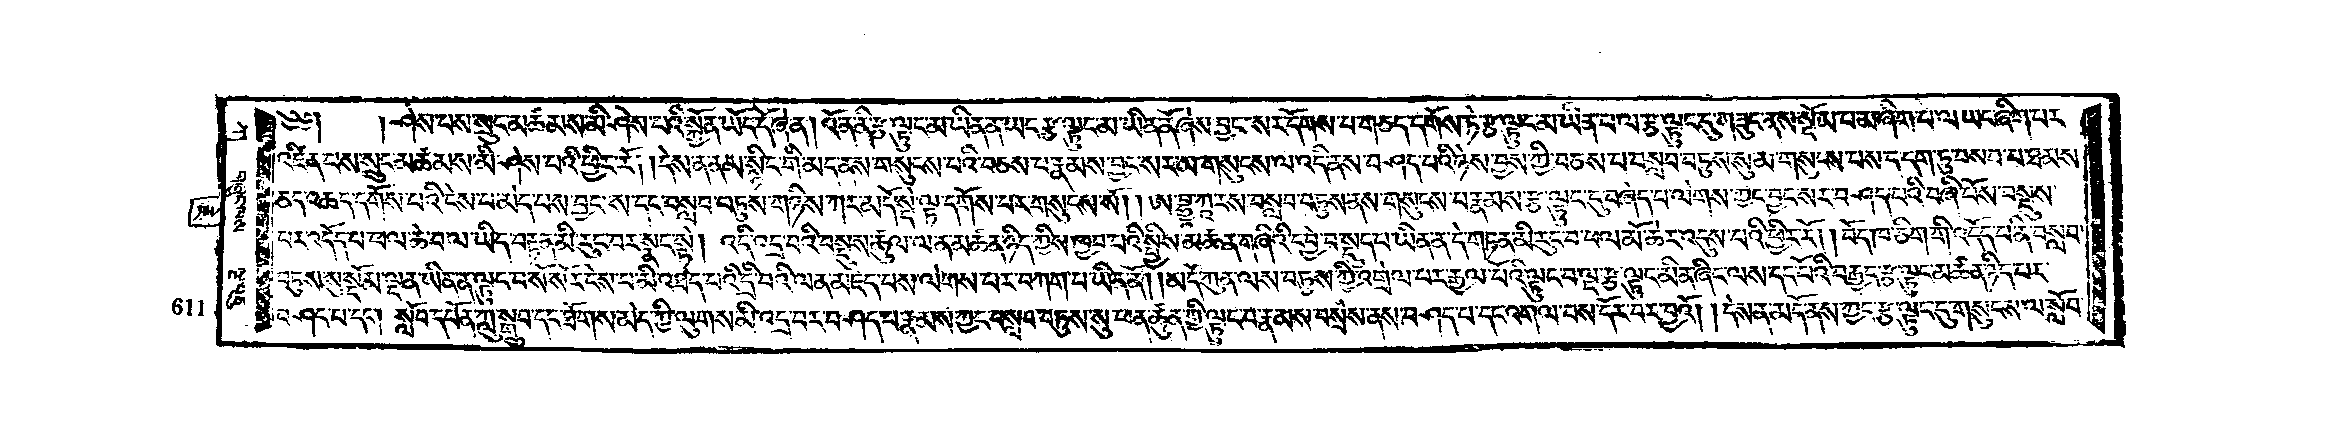༄༅། །ཤེས་པས་སྲུང་མཚམས་མི་ཤེས་པའི་སྐྱོན་ཡོད་དོ་ཞེ་ན། འོ་ན་ནི་རྩ་ལྟུང་མ་ཡིན་ན་ཡང་རྩ་ལྟུང་མ་ཡིན་ནོ་ཞེས་བྱང་སར་དོགས་པ་གཅད་དགོས་ཏེ་རྩ་ལྟུང་མ་ཡིན་པ་ལ་རྩ་ལྟུང་དུ་གཟུང་ནས་སྡོམ་པ་མ་ཞིག་པ་ལ་ཡང་ཞིག་པར་
འཛིན་པས་སྲུང་མཚམས་མི་ཤེས་པའི་ཕྱིར་རོ། །དེས་ན་ནམ་སྙིང་གི་མད་ནས་གསུངས་པའི་བཅས་པ་རྣམས་བྱང་སར་མ་གསུངས་ལ་འདི་ནས་བཤད་པའི་ཉེས་བྱས་ཀྱི་བཅས་པ་བསླབ་བཏུས་སུ་མ་གསུངས་པས་ད་དག་ཏུ་བསབ་པ་ཐམས་
ཅད་འཆད་དགོས་པའི་ངེས་པ་མེད་པས་བྱང་ས་དང་བསླབ་བཏུས་གཉིས་ཀར་མདོ་སྡེ་ལྟ་དགོས་པར་གསུངས་སོ། །ཨ་བྷྱཱ་ཀཱ་རས་བསླབ་བཏུས་ནས་གསུངས་པ་རྣམས་རྩ་ལྟུང་དུ་བཞེད་པ་ལེགས་ཀྱང་བྱང་སར་བཤད་པའི་བཞི་པོས་བསྡུས་
པར་འདོད་པ་ཕལ་ཆེ་བ་ལ་ཡིད་བརྟན་མི་རུང་བར་སྣང་སྟེ། འདི་འདྲ་བའི་བསྡུས་ཚུལ་ལ་ན་མཚན་ཉིད་ཀྱིས་ཁྱབ་པའི་སྤྱིས་མཚན་གཞིའི་དབྱེ་བ་སྡུད་པ་ཡིན་ན་དེ་གཏན་མི་རུང་བ་ཕལ་མོ་ཆེར་འདུས་པའི་ཕྱིར་རོ། །བོད་ཁ་ཅིག་གི་འདོད་པ་ནི་བསླབ་
བཏུས་སུ་སྡོམ་ལྡན་ཡིན་ན་ལྟུང་བ་སོ་སོར་ངེས་པ་མི་འཐད་པའི་དྲི་བའི་ལན་མཛད་པས་ལེགས་པར་བཀག་པ་ཡིན་ནོ། །མདོ་ཀུན་ལས་བཏུས་ཀྱི་འགྲེལ་པར་རྒྱལ་པོའི་ལྟུང་བ་ལྔ་རྩ་ལྟུང་མིན་ཞིང་ལས་དང་པོའི་བརྒྱད་རྩ་ལྟུང་མཚན་ཉིད་པར་
བཤད་པ་དང་། སློབ་དཔོན་ཀླུ་སྒྲུབ་དང་ཐོགས་མེད་ཀྱི་ལུགས་མི་འདྲ་བར་བཤད་པ་རྣམས་ཀྱང་བསླབ་བཏུས་སུ་ཕན་ཚུན་གྱི་ལྟུང་བ་རྣམས་བསྲིས་ནས་བཤད་པ་དང་འགལ་བས་དོར་བར་བྱའོ། །དེས་ན་མདོ་ནས་ཀྱང་རྩ་ལྟུང་དུ་གསུངས་ལ་སློབ་